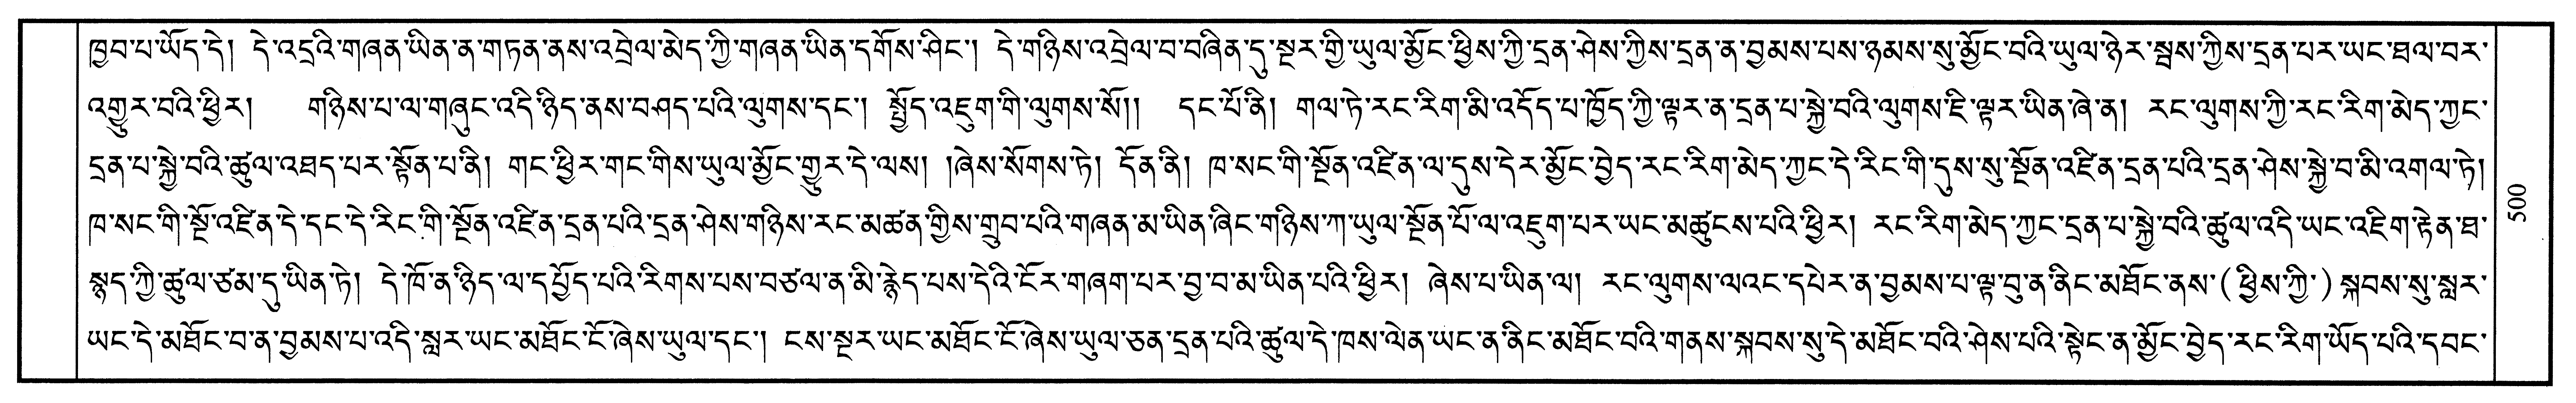ཁྱབ་པ་ཡོད་དེ། དེ་འདྲའི་གཞན་ཡིན་ན་གཏན་ནས་འབྲེལ་མེད་ཀྱི་གཞན་ཡིན་དགོས་ཤིང་། དེ་གཉིས་འབྲེལ་བ་བཞིན་དུ་སྔར་གྱི་ཡུལ་མྱོང་ཕྱིས་ཀྱི་དྲན་ཤེས་ཀྱིས་དྲན་ན་བྱམས་པས་ཉམས་སུ་མྱོང་བའི་ཡུལ་ཉེར་སྦས་ཀྱིས་དྲན་པར་ཡང་ཐལ་བར་
འགྱུར་བའི་ཕྱིར། གཉིས་པ་ལ་གཞུང་འདི་ཉིད་ནས་བཤད་པའི་ལུགས་དང་། སྤྱོད་འཇུག་གི་ལུགས་སོ། །དང་པོ་ནི། གལ་ཏེ་རང་རིག་མི་འདོད་པ་ཁྱོད་ཀྱི་ལྟར་ན་དྲན་པ་སྐྱེ་བའི་ལུགས་ཇི་ལྟར་ཡིན་ཞེ་ན། རང་ལུགས་ཀྱི་རང་རིག་མེད་ཀྱང་
དྲན་པ་སྐྱེ་བའི་ཚུལ་འཐད་པར་སྟོན་པ་ནི། གང་ཕྱིར་གང་གིས་ཡུལ་མྱོང་གྱུར་དེ་ལས། །ཞེས་སོགས་ཏེ། དོན་ནི། ཁ་སང་གི་སྔོན་འཛིན་ལ་དུས་དེར་མྱོང་བྱེད་རང་རིག་མེད་ཀྱང་དེ་རིང་གི་དུས་སུ་སྔོན་འཛིན་དྲན་པའི་དྲན་ཤེས་སྐྱེ་བ་མི་འགལ་ཏེ།
ཁ་སང་གི་སྔོ་འཛིན་དེ་དང་དེ་རིང་གི་སྔོན་འཛིན་དྲན་པའི་དྲན་ཤེས་གཉིས་རང་མཚན་གྱིས་གྲུབ་པའི་གཞན་མ་ཡིན་ཞིང་གཉིས་ཀ་ཡུལ་སྔོན་པོ་ལ་འཇུག་པར་ཡང་མཚུངས་པའི་ཕྱིར། རང་རིག་མེད་ཀྱང་དྲན་པ་སྐྱེ་བའི་ཚུལ་འདི་ཡང་འཇིག་རྟེན་ཐ་
སྙད་ཀྱི་ཚུལ་ཙམ་དུ་ཡིན་ཏེ། དེ་ཁོ་ན་ཉིད་ལ་དཔྱོད་པའི་རིགས་པས་བཙལ་ན་མི་རྙེད་པས་དེའི་ངོར་གཞག་པར་བྱ་བ་མ་ཡིན་པའི་ཕྱིར། ཞེས་པ་ཡིན་ལ། རང་ལུགས་ལའང་དཔེར་ན་བྱམས་པ་ལྟ་བུ་ན་ནིང་མཐོང་ནས་ཕྱིས་ཀྱི་སྐབས་སུ་སླར་
ཡང་དེ་མཐོང་བ་ན་བྱམས་པ་འདི་སླར་ཡང་མཐོང་ངོ་ཞེས་ཡུལ་དང་། ངས་སྔར་ཡང་མཐོང་ངོ་ཞེས་ཡུལ་ཅན་དྲན་པའི་ཚུལ་དེ་ཁས་ལེན་ཡང་ན་ནིང་མཐོང་བའི་གནས་སྐབས་སུ་དེ་མཐོང་བའི་ཤེས་པའི་སྟེང་ན་མྱོང་བྱེད་རང་རིག་ཡོད་པའི་དབང་